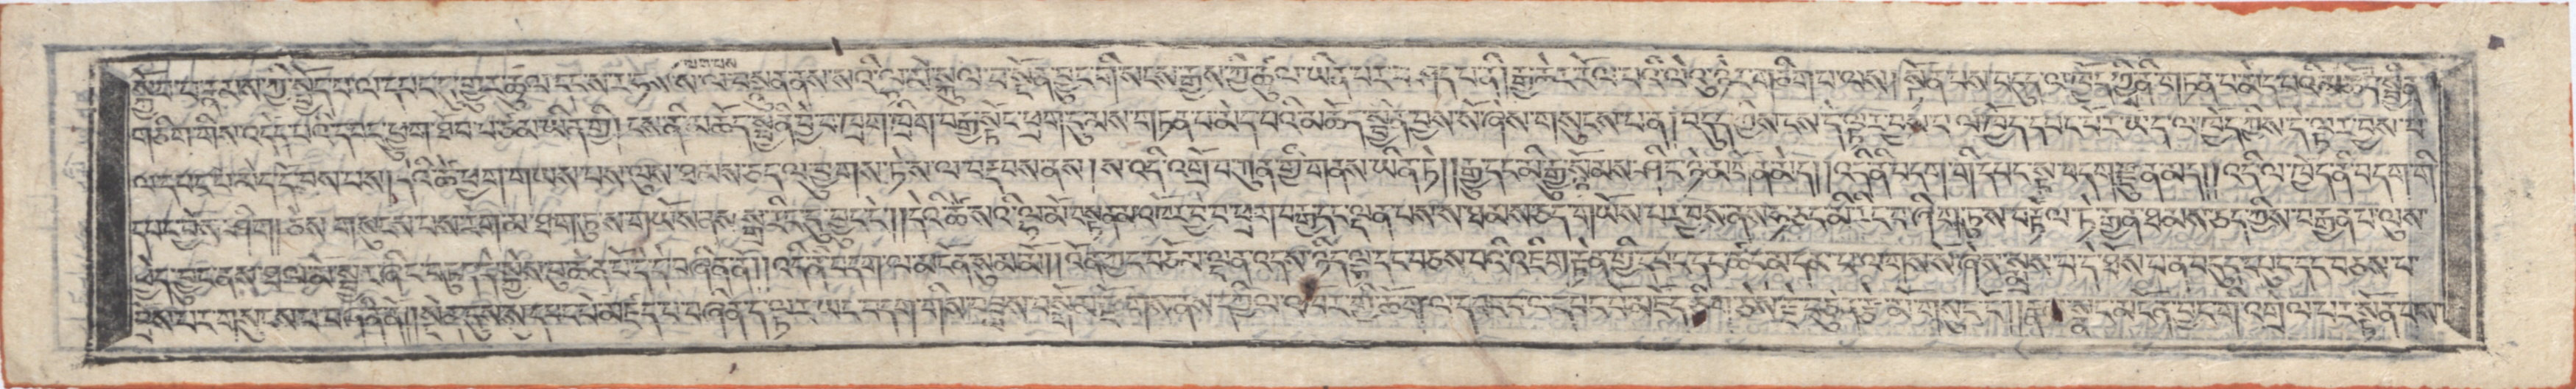སྐྱོབ་པ་རྣམས་ཀྱི་སྤྱོད་པ་ལ་དཔང་དུ་གྱུར་ཚུལ་དང་ས་ར་ཧས་ལག་པས་ས་ལ་བསྣུན་ནས་སའི་ལྷ་མོ་སྐུལ་བ་སྔོན་བྱུང་གི་སངས་རྒྱས་ཀྱི་ཚུལ་ཡིན་པར་བཤད་པ་ནི། རྒྱ་ཆེར་རོལ་པའི་ལེའུ་ཉེར་གཅིག་པ་ལས། སྟོན་པས་བདུད་ལ་ཁྱོད་ཀྱིས་ནི་གཏན་པ་མེད་པའི་མཆོད་སྦྱིན་
གཅིག་གིས་འདོད་པའི་དབང་ཕྱུག་ཐོབ་པ་ཙམ་ཡིན་གྱི། ངས་ནི་མཆོད་སྦྱིན་བྱེ་བ་ཁྲག་ཁྲིག་བརྒྱ་སྟོང་ཕྲག་དུ་མས་གཏན་པ་མེད་པའི་མཆོད་སྦྱིན་བྱས་སོ་ཞེས་གསུངས་པ་ན། བདུད་ཀྱིས་ངས་དེ་ལྟར་བྱས་པ་ལ་ཁྱོད་དཔང་པོར་ཡིད་ལ་ཁྱོད་ཀྱིས་དེ་ལྟར་བྱས་པ་
ལ་དབང་པོ་མེད་དོ་བྱས་པས། དེའི་ཚེ་ཕྱག་གཡས་པས་ལུས་ཐམས་ཅད་ལ་བྱུགས་ཏེ་ས་ལ་བརྡབས་ནས། ས་འདི་འགྲོ་བ་ཀུན་གྱི་གནས་ཡིན་ཏེ། །རྒྱུ་དང་མི་རྒྱུ་སྙོམས་ཤིང་ཉེ་མགོན་མེད། །འདི་ནི་བདག་གི་དཔང་སྟ་བདག་རྫུན་མེད། །འདི་ལ་ཁྱོད་ནི་བདག་གི་
དཔང་བྱོས་ཤིག །ཅེས་གསུངས་པས་རེག་མ་ཐག་ཏུ་ས་གཡོས་ནས་སྒྲ་རིང་དུ་བྱུང་ངེ། །དེའི་ཚེ་སའི་ལྷ་མོ་བསྟན་མ་འཁོར་བྱེ་བ་ཕྲག་བརྒྱ་དང་ལྡན་པས་ས་ཐམས་ཅད་གཡོས་པར་བྱས་ནས་ཧ་ཅང་མི་རིང་བ་ཞིག་ཏུ་ས་བརྟོལ་ཏེ་རྒྱན་ཐམས་ཅད་ཀྱིས་བརྒྱན་པ་ལུས་
ཕྱེད་བྱུང་ནས་ཐལ་མོ་སྦྱར་ཞིང་བཏུད་དེ་སྐྱེས་བུ་ཆེན་པོ་དེ་དེ་བཞིན་ནོ། །འདི་ནི་བདག་ལ་མངོན་སུམ་མོ། །འོན་ཀྱང་བཅོམ་ལྡན་འདས་ཉིད་ལྷ་དང་བཅས་པའི་འཇིག་རྟེན་གྱི་དཔང་དང་ཚད་མ་དམ་པ་ལགས་སོ་ཞེས་སྨྲས་པ་དེ་ཐོས་པ་ན་བདུད་དཔུང་དང་བཅས་པ་
བྲོས་པར་གསུངས་པ་བཞིན་ནོ། །སྔོན་དུས་སུ་དབང་པེ་མཛད་པ་བཞིན་ད་ལྟར་ཡང་བདག་གིས་བཟླས་བསྒོམ་རྫོགས་ནས་དཀྱིལ་འཁོར་གྱི་ཆོ་ག་ལ་དབང་བ་ལ་དབང་པོ་མཛོད་ཅིག་ཅེས་རྗེ་བཙུན་རྩེ་མོ་གསུང་ངོ། །རྣམ་སྣང་མངོན་བྱང་གི་འགྲེལ་པར་སྟོན་པས་